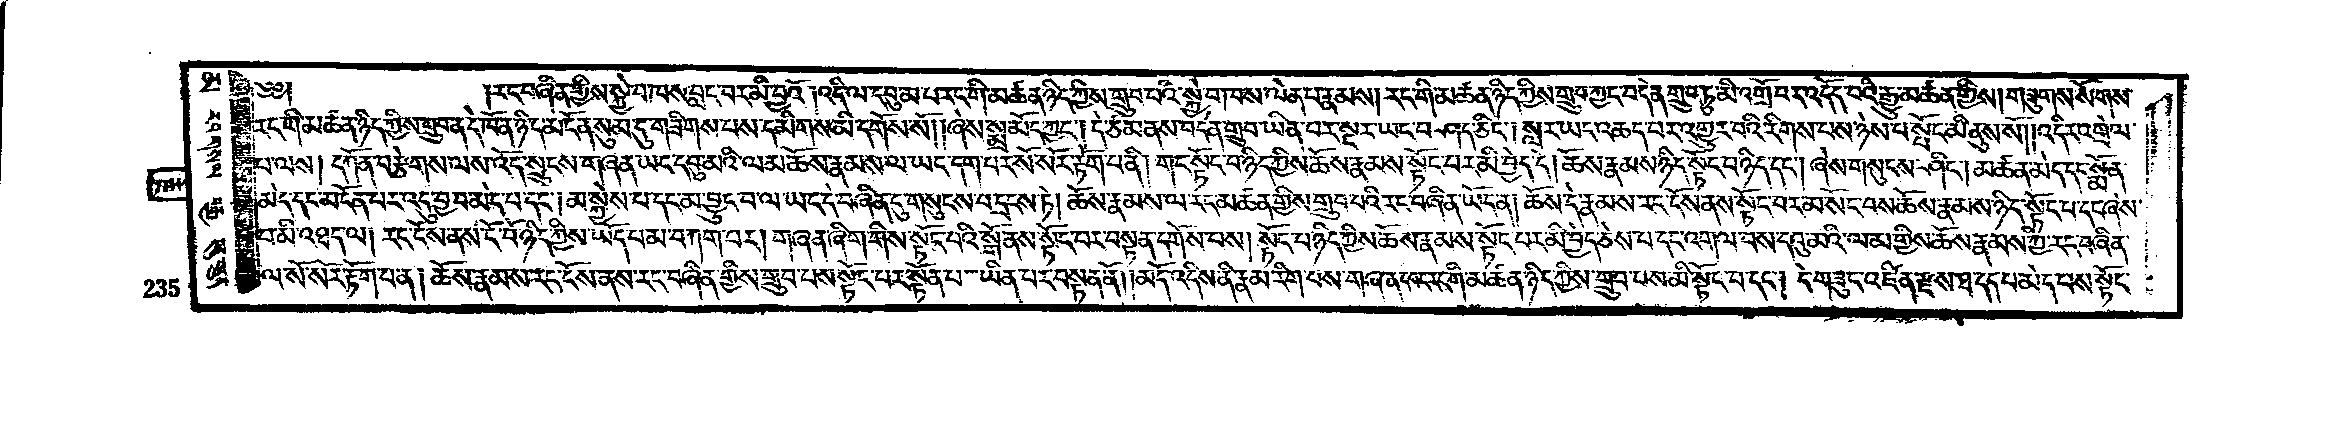༄༅། །རང་བཞིན་གྱིས་སྐྱེ་བ་ཁས་བླང་བར་མི་བྱའོ། འདི་ལ་དབུ་མ་པ་རང་གི་མཚན་ཉིད་ཀྱིས་གྲུབ་པའི་སྐྱེ་བ་ཁས་ལེན་པ་རྣམས། རང་གི་མཚན་ཉིད་ཀྱིས་གྲུབ་ཀྱང་བདེན་གྲུབ་ཏུ་མི་འགྲོ་བར་འདོད་པའི་རྒྱུ་མཚན་གྱིས། གཟུགས་སོགས་
རང་གི་མཚན་ཉིད་ཀྱིས་གྲུབ་ན་དེ་ཁོ་ན་ཉིད་མངོན་སུམ་དུ་གཟིགས་པས་དམིགས་མི་དགོས་སོ། །ཞེས་སྨྲ་མོད་ཀྱང་། དེ་ཙམ་ནས་བདེན་གྲུབ་ཡིན་པར་སྔར་ཡང་བཤད་ཅིང་། སླར་ཡང་འཆད་པར་འགྱུར་བའི་རིགས་པས་ཉེས་པ་སྤོང་མི་ནུས་སོ། །འདིར་འགྲེལ་
པ་ལས། དཀོན་བརྩེགས་ལས་འོད་སྲུངས་གཞན་ཡང་དབུ་མའི་ལམ་ཆོས་རྣམས་ལ་ཡང་དག་པར་སོ་སོར་རྟོག་པ་ནི། གང་སྟོང་པ་ཉིད་ཀྱིས་ཆོས་རྣམས་སྟོང་པར་མི་བྱེད་དེ། ཆོས་རྣམས་ཉིད་སྟོང་པ་ཉིད་དང་། ཞེས་གསུངས་ཤིང་། མཚན་མེད་དང་སྨོན་
མེད་དང་མངོན་པར་འདུ་བྱ་བ་མེད་པ་དང་། མ་སྐྱེས་པ་དང་མ་བྱུང་བ་ལ་ཡང་དེ་བཞིན་དུ་གསུངས་པ་དྲངས་ཏེ། ཆོས་རྣམས་ལ་རང་མཚན་གྱིས་གྲུབ་པའི་རང་བཞིན་ཡོད་ན། ཆོས་དེ་རྣམས་རང་ངོས་ནས་སྟོང་བར་མ་སོང་བས་ཆོས་རྣམས་ཉིད་སྟོང་པ་དང་ཞེས་
པ་མི་འཐད་ལ། རང་ངོས་ནས་ངོ་བོ་ཉིད་ཀྱིས་ཡོད་པ་མ་བཀག་པར། གཞན་ཞིག་གིས་སྟོང་པའི་སྒོ་ནས་སྟོང་བར་བསྟན་དགོས་པས། སྟོང་པ་ཉིད་ཀྱིས་ཆོས་རྣམས་སྟོང་པར་མི་བྱེད་ཅེས་པ་དང་འགལ་བས་དབུ་མའི་ལམ་གྱིས་ཆོས་རྣམས་ཀྱི་རང་བཞིན་
ལ་སོ་སོར་རྟོག་པ་ན། ཆོས་རྣམས་རང་ངོས་ནས་རང་བཞིན་གྱིས་གྲུབ་པས་སྟོང་པར་སྟོན་པ་ཡིན་པར་བསྟན་ནོ། །མདོ་འདིས་ནི་རྣམ་རིག་པས་གཞན་དབང་རང་གི་མཚན་ཉིད་ཀྱིས་གྲུབ་པས་མི་སྟོང་བ་དང་། དེ་གཟུང་འཛིན་རྫས་ཐ་དད་པ་མེད་པས་སྟོང་